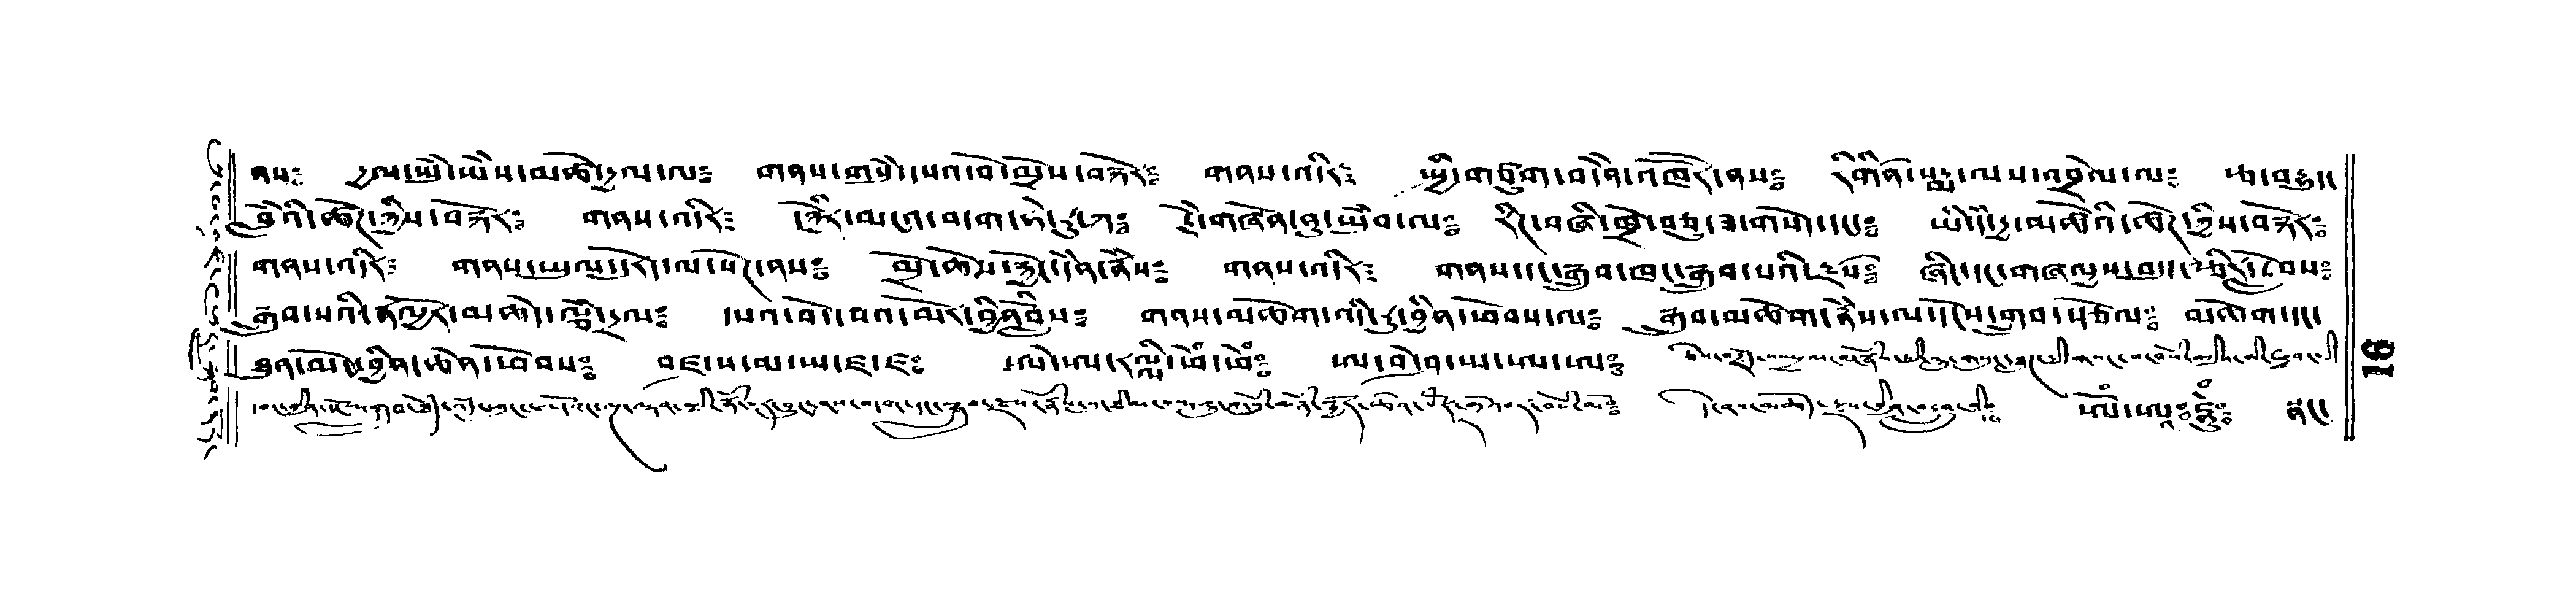ནས༔ རྒྱལ་ཡུམ་ཡེ་ཤེས་མཚོ་རྒྱལ་ལ༔ གནས་གསུམ་དཔའ་བོ་མཁའ་འགྲོས་བསྐོར༔ གནས་འདིར་སྤྱན་འདྲེན༴ སྤྱི་གཙུག་བདེ་ཆེན་འཁོར་ལོ་ནསཿ རིག་འཛིན་པདྨ་ལས་འབྲེལ་ལ༔ རྩ་བརྒྱུད་
བླ་མའི་ཚོགས་ཀྱིས་བསྐོར༔ གནས་འདིར་སྤྱན་འདྲེན༴ དཀྱིལ་འཁོར་མངའ་བདག་ཧེ་རུ་ཀ༔ རྡོ་རྗེ་གཞོན་ནུ་ཡབ་ཡུམ་ལ༔ རིགས་བཞི་ཁྲོ་བཅུ་ཟ་གསོད་དང༔ ཡི་དམ་རྒྱ་མཚོའི་ཚོགས་ཀྱིས་བསྐོར༔ 
གནས་འདིར་སྤྱན་འདྲེན༴ གནས་ཡུལ་དུར་ཁྲོད་ལ་སོགས་ནས༔ མཁའ་འགྲོ་ཆོས་སྐྱོང་དམ་ཅན་རྣམས༔ གནས་འདིར་སྤྱན་འདྲེན༴ གནས་དང་སྒྲུབ་ཁང་སྒྲུབ་པའི་རྫས༔ ཞིང་དང་གཞལ་ཡས་བདུད་རྩིར་རློབས༔ 
སྒྲུབ་པའི་རྣལ་འབྱོར་མཆེད་ལྕམ་དྲལ༔ དཔའ་བོ་དཔའ་མོར་བྱིན་གྱིས་རློབས༔ གནས་མཆོག་འདིར་རུ་བྱིན་ཕོབས་ལ༔ སྒྲུབ་མཆོག་རྣམས་ལ་དངོས་གྲུབ་སྩོལ༔ མཆོག་དང་
ཐུན་མོང་བྱིན་ཆེན་ཕོབས༔ བཛྲ་ས་མ་ཡ་ཛ་ཛཿ ཨེ་ཨ་རལླི་ཕེཾ་ཕེཾཿ ཨ་བེ་ཤ་ཡ་ཨ་ཨ༔ ཅེས་བརྗོད་པས་རྒྱལ་བ་རྣམས་ཀྱི་སྐུ་གསུང་ཐུགས་ཀྱི་གསང་བ་བསམ་གྱིས་མི་ཁྱབ་པའི་
དབང་བྱིན་དངོས་གྲུབ་ཐམས་ཅད་འོད་ཕུང་ཁ་དོག་ལྔ་ལྡན་གྱི་རྣམ་པར་བྱུང་ནས་བདག་དང་སྒྲུབ་རྫས་རྣམས་སུ་ཐིམ་པས་སྐུ་གསུམ་མཉམ་སྦྱོར་ཆེན་པོར་གྲོལ་བར་བསམ་མོ༔ དེ་ནས་མཆོད་རྫས་བྱིན་བརླབ་ནི༔ ཨོཾ་ཨཱཿཧཱུྃ༔ སྣང་